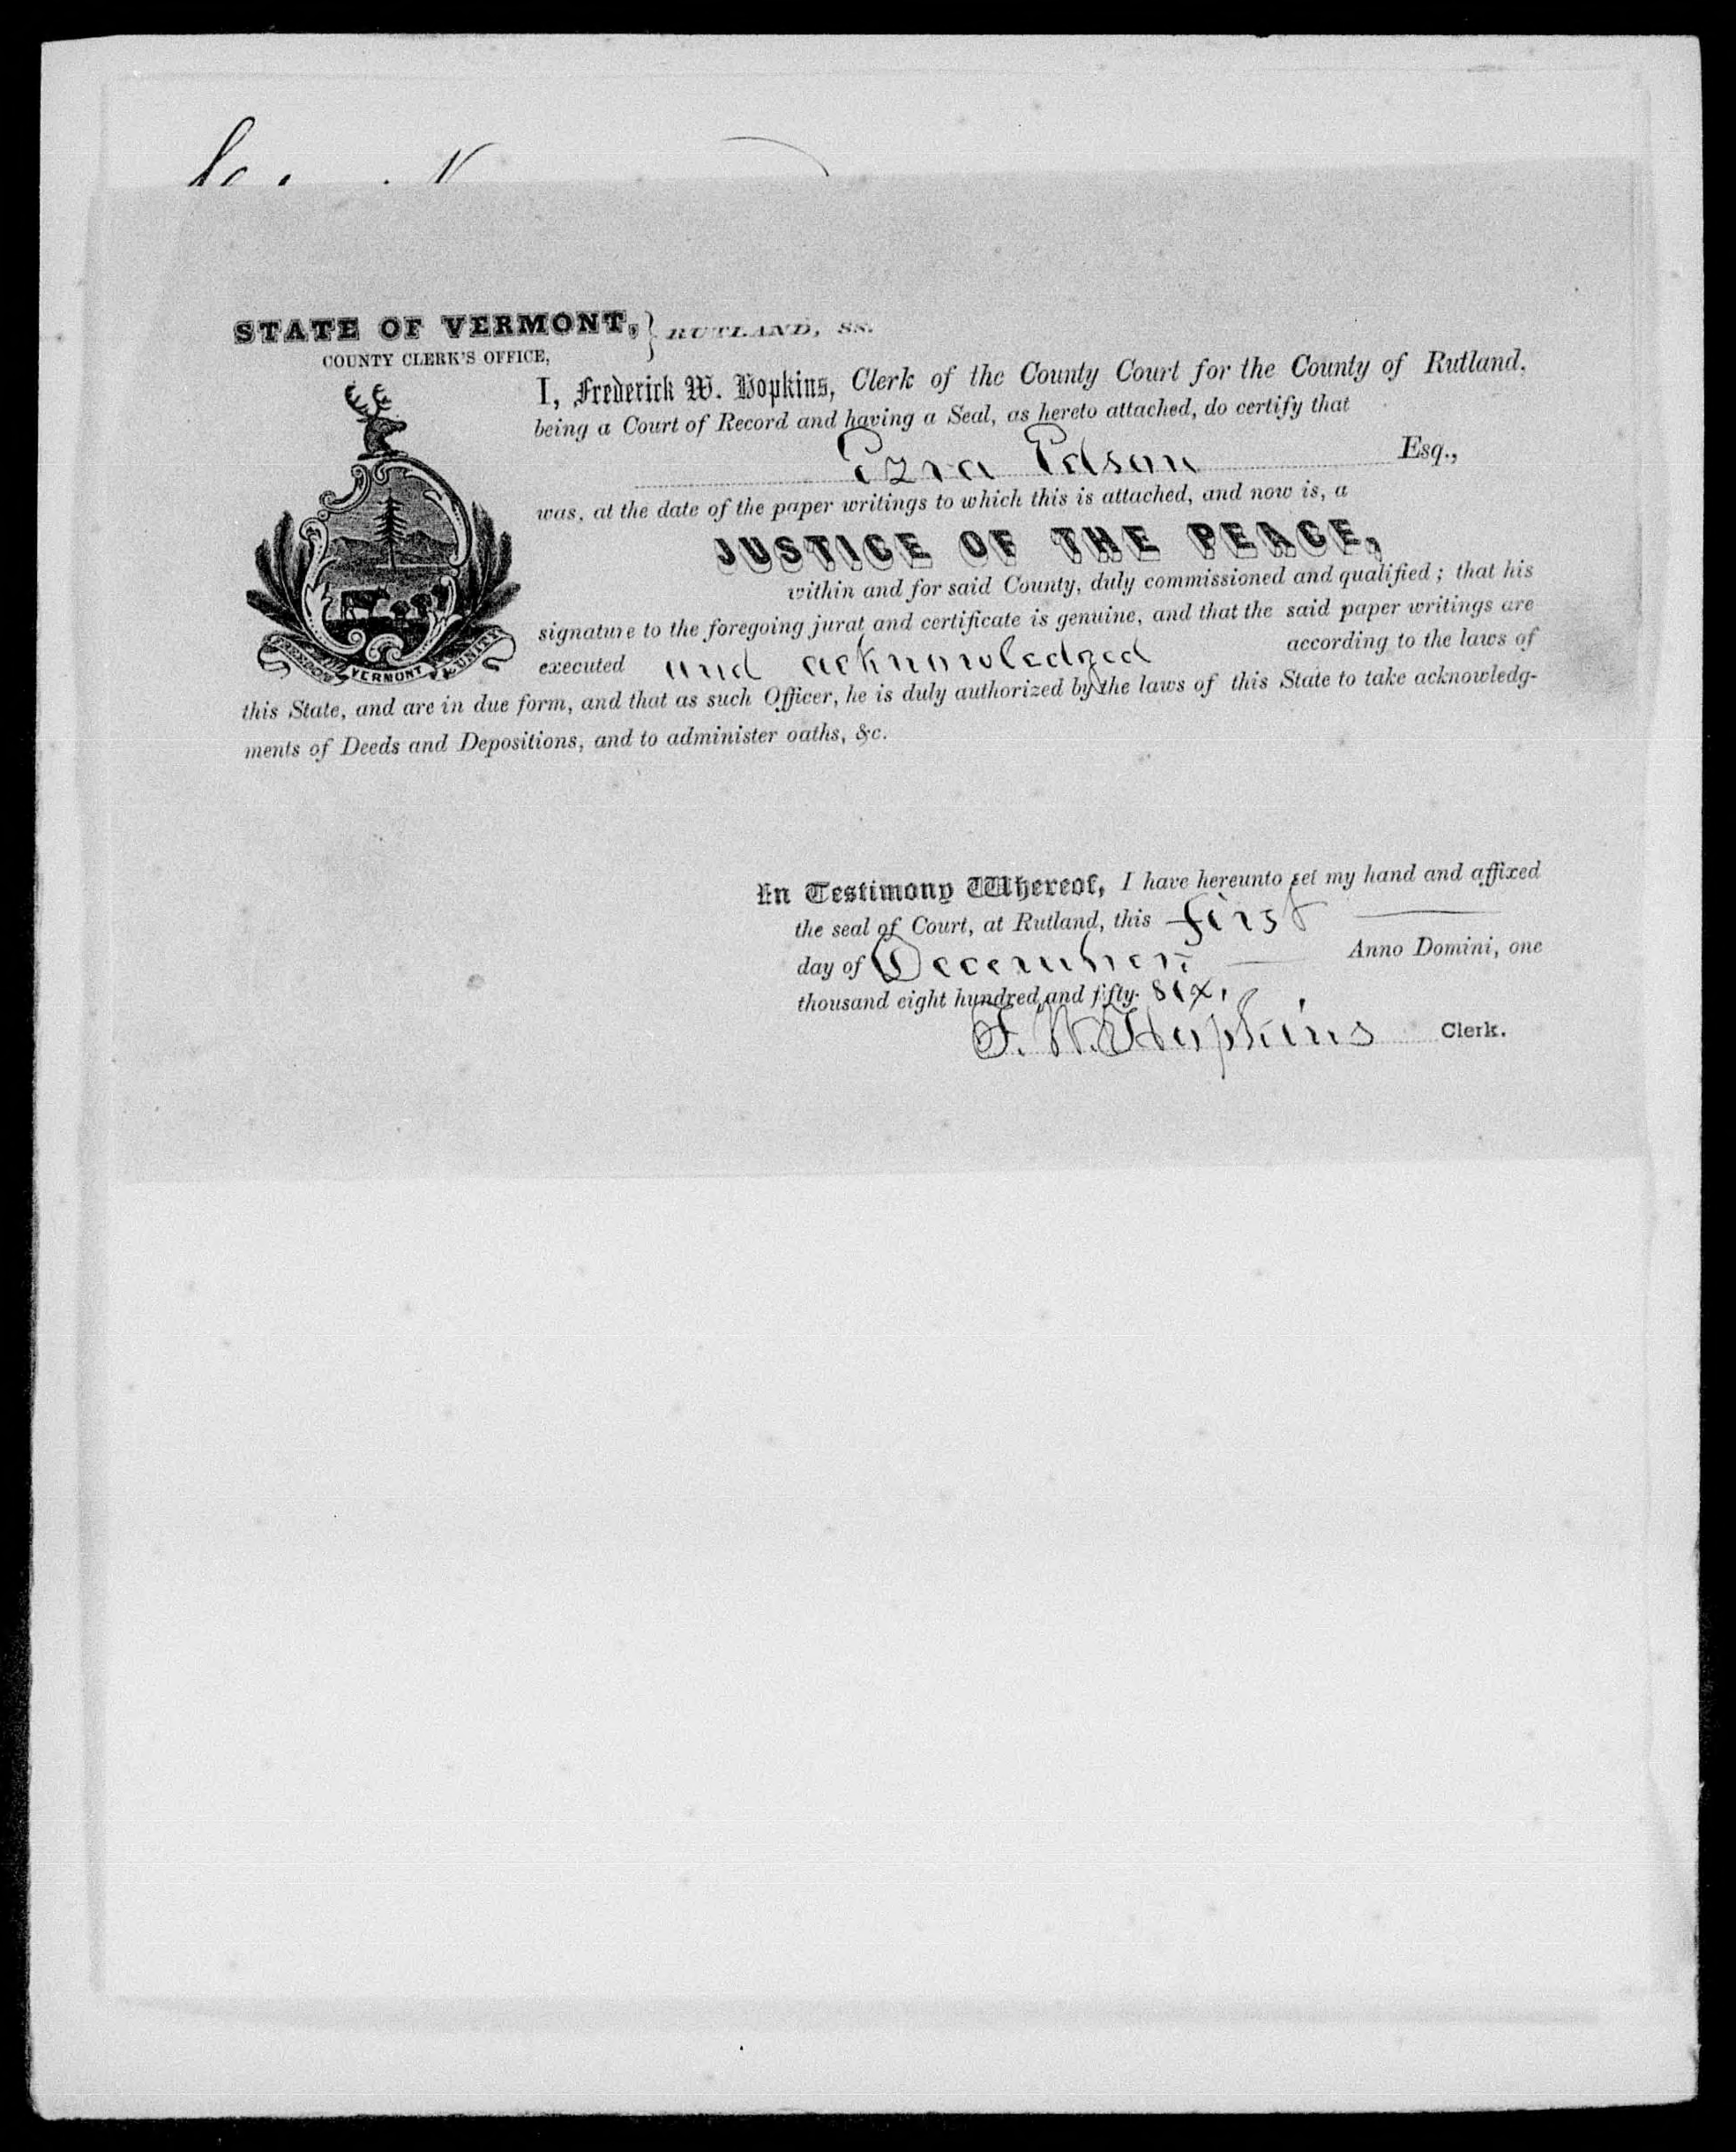State of Vermont
Rutland Vermont
County Clerk's Office
I, Frederick W. Hopkins, Clerk of the County Court for the County of Rutland, being a Court of Record and having a Seal as hereto attached, do certify that Ezra Edson Esq., was, at the date of the paper writings to which this is attached and now is a 
JUSTICE OF THE PEACE, within and for said County, duly commissioned and qualified; that his signature to the foregoing jurat and certificate is genuine, and that the said paper writings are executed and acknowledged according to the laws of this State, and are in due form, and that as such Officer, he is duly authorized by the laws of this State to take acknowledgements of Deeds and Depositions, and to administer oaths, etc.

In Testimony Whereof, I have hereunto set my hand and affixed the Seal of Court at Rutland this first day December, Anno Domini, one thousand eight hundred and fifty-six,
F. W. Hopkins    Clerk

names: F W Hopkins, Ezra Edson, Frederick W Hopkins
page: 9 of 22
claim: survivor's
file: S. 38777, Jacob Grover, Continental (Vt.)